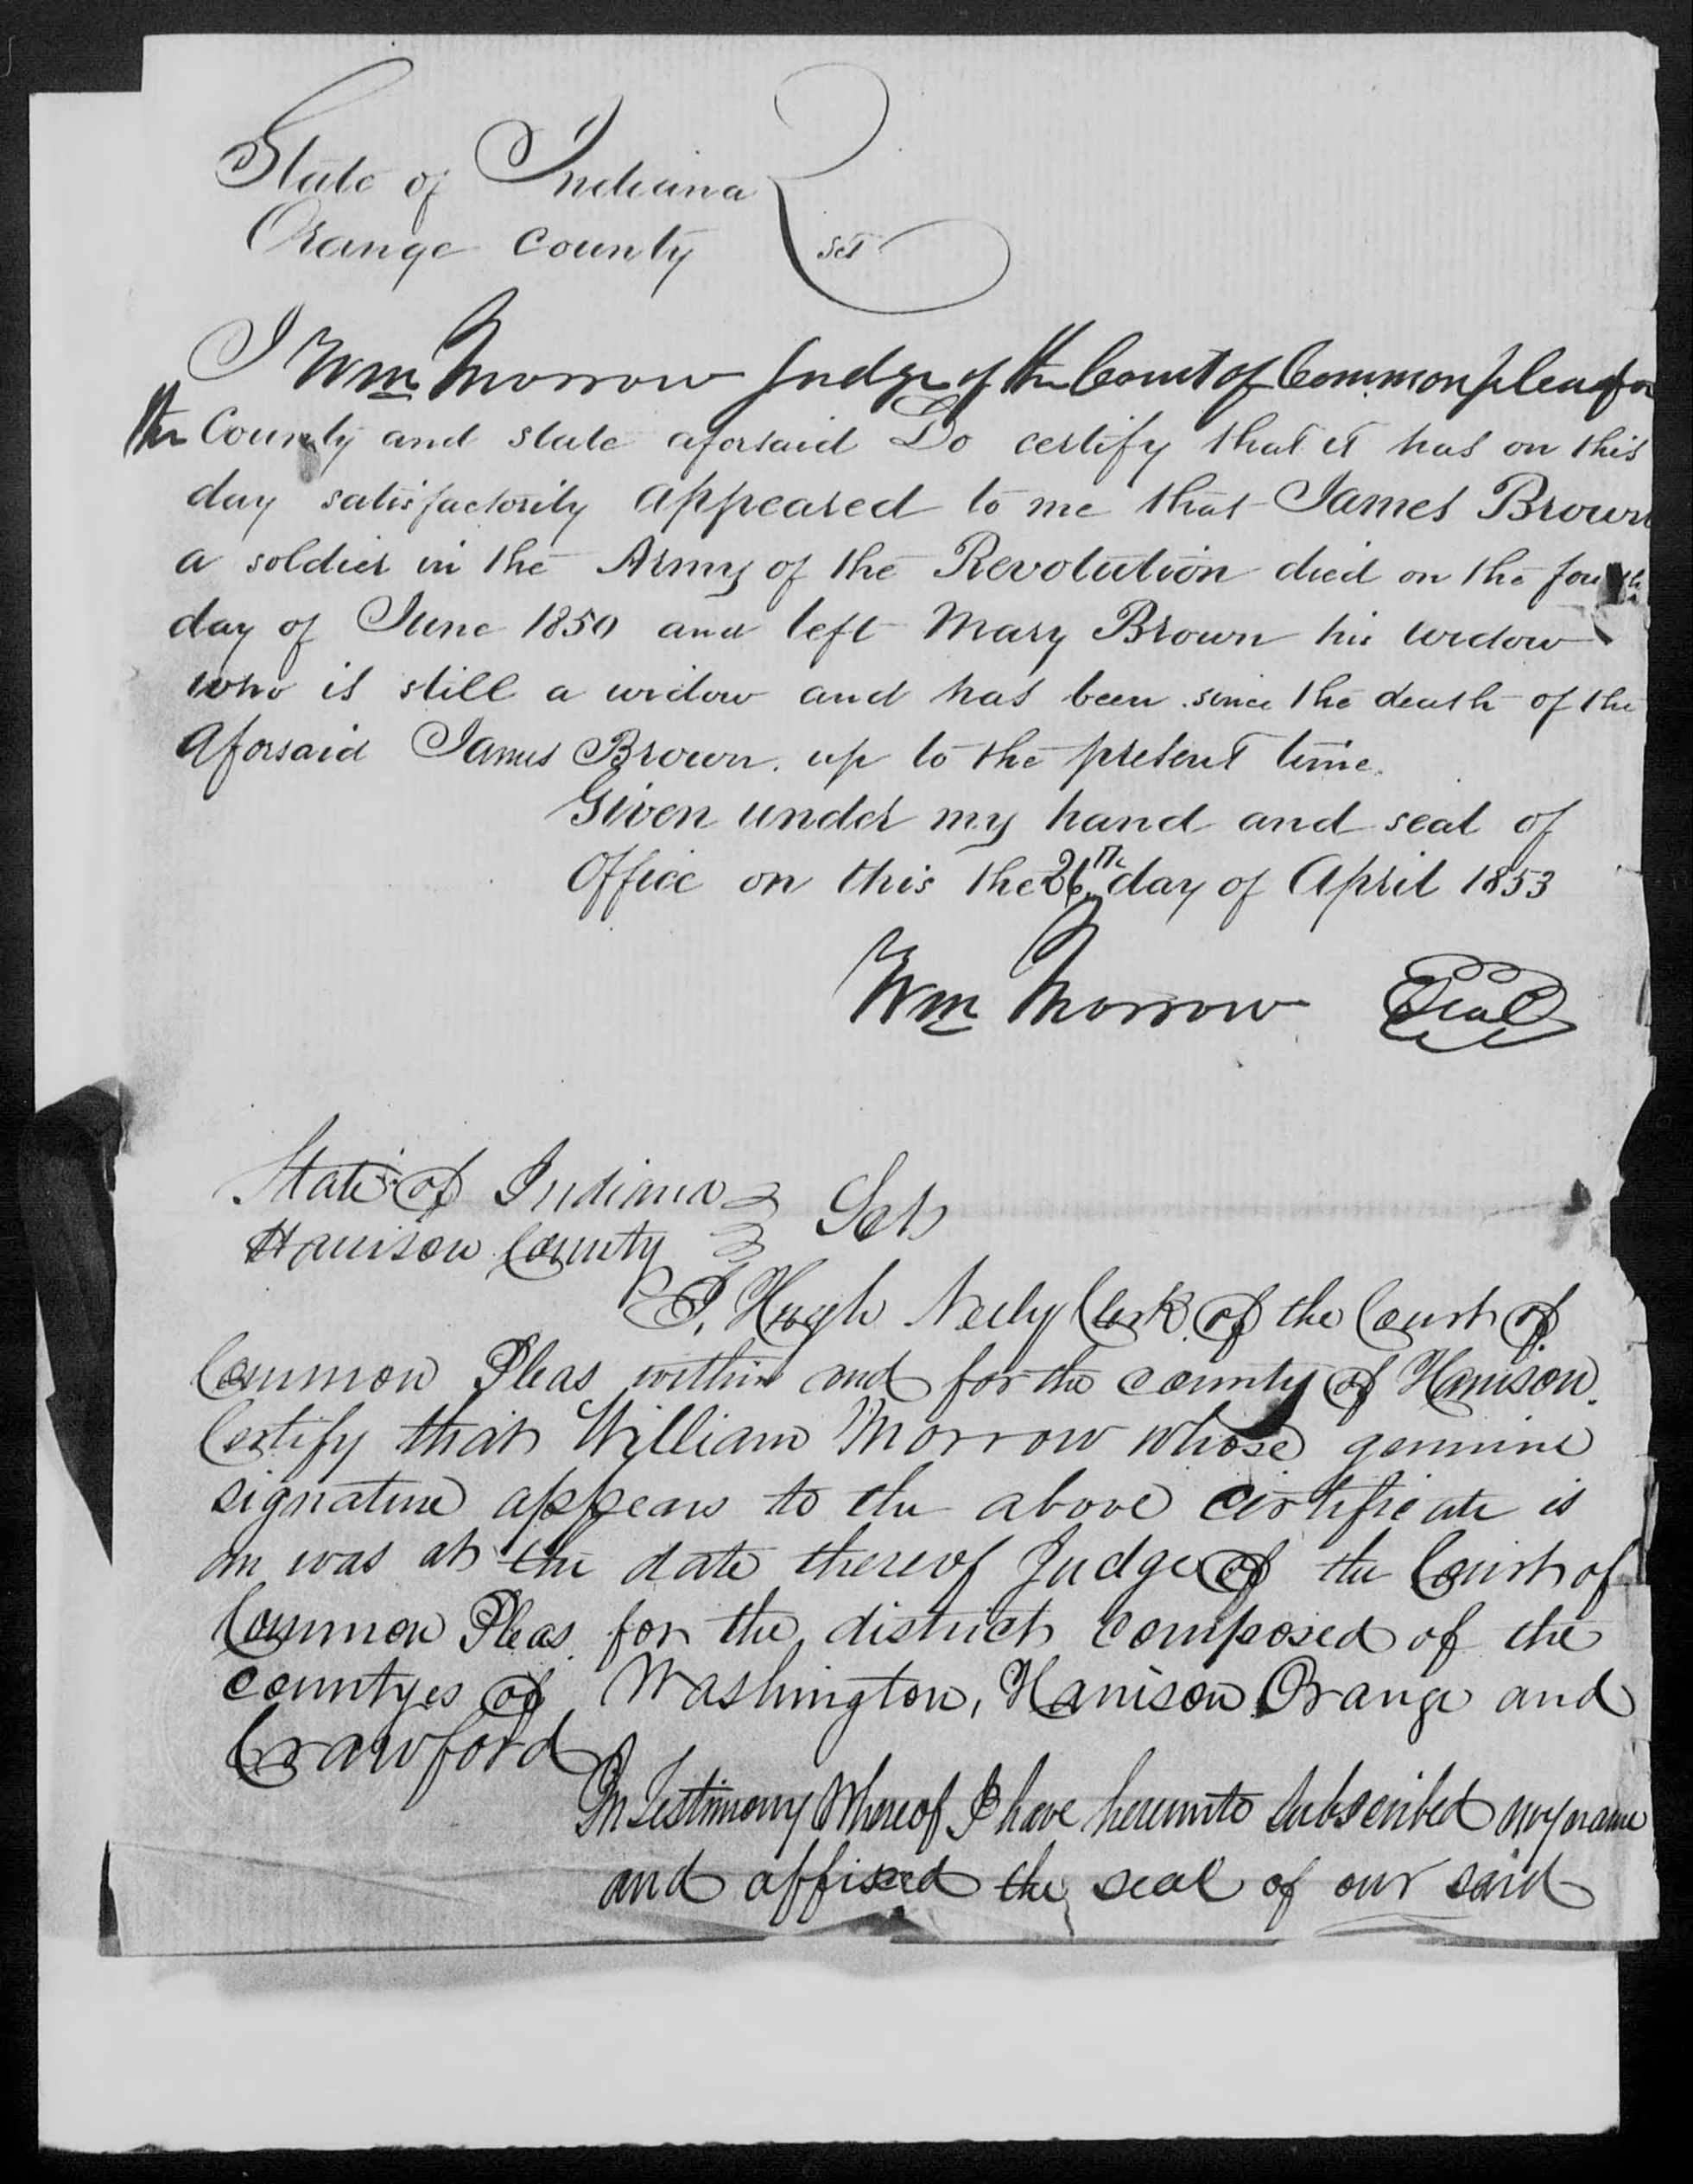State of Indiana Orange County
I Wm Morrow Judge of the Court of Common pleas for the County and State aforesaid do certify that it has on this day satisfactorily appeared to me that James Brown a soldier in the Army of the Revolution died on the for
day of June 1850 and left Mary Brown his widow who is still a widow and has been since the death of the
aforesaid James Brown up to the present time
Given under my hand and seal of
Office on this the 26th day of April 1853
s/ Wm Morrow

State of Indiana Harrison County I Hugh Newly Clerk of the Court of
Common Pleas within and for the County of Harrison Certify that William Morrow whose genuine
signature appears to the above certificate is and was at the date thereof Judge of the Court of 
Common Pleas for the district composed of the Countys of
Washington, Harrison Orange and
Crawford In Testimony Whereof I have hereunto subscribed my name
and affixed the seal of our said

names: Hugh Neely, James Brown, Wm Morrow, Wm Morrow, Mary Brown, James Brown, William Morrow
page: 23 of 41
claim: rejected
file: R. 1309, James Brown, S.C.